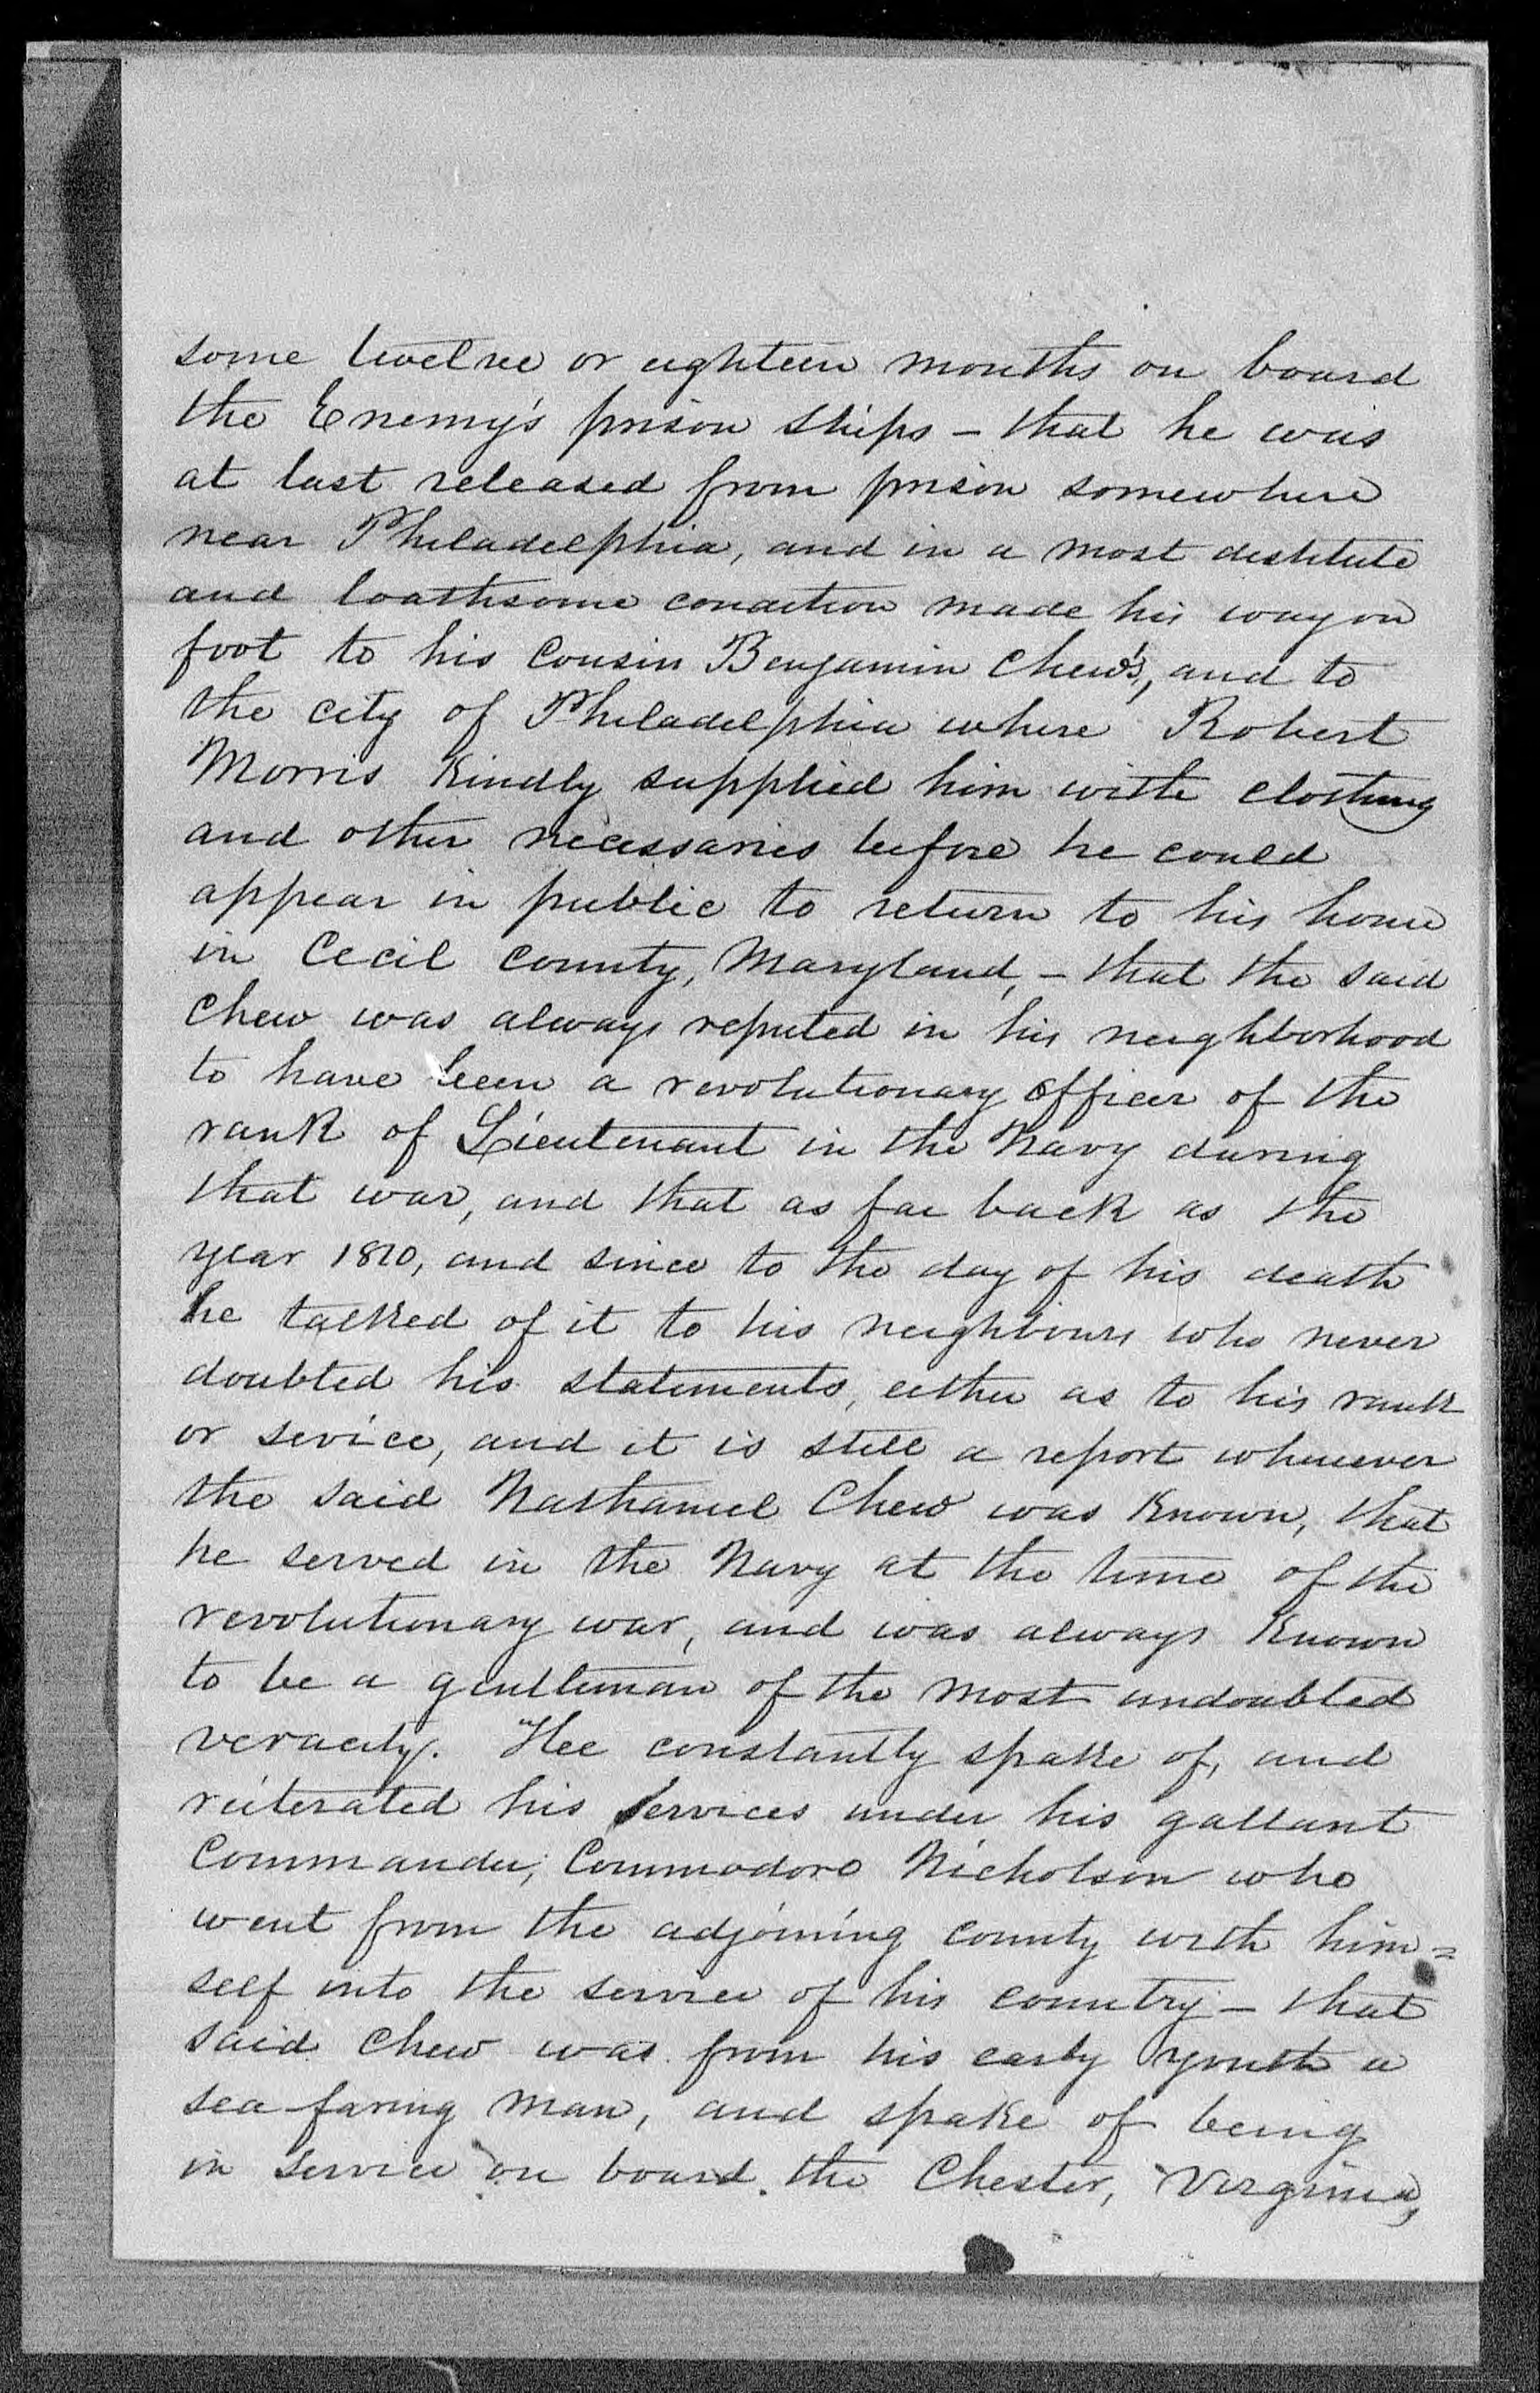some twelve or eighteen months on board
the Enemy's prison Ships - that he was
at last released from prison somewhere 
near Philadelphia, and in a most destitute
and loathsome condition made his way on
foot to his Cousin Benjamin Chew's, and to 
the city of Philadelphia where Robert
Morris Kindly supplied him with clothing
and other necessanis before he could 
appear in public to return to his home
in Cecil County, Maryland - that the said
Chew was always reputed in his neighborhood
to have been a revolutionary officer of the
rank of Lieutenant in the Navy during 
that war, and that as far back as the
year 1820, and since to the day of his death 
he talked of it to his neighbors who never
doubted his statements, either as to his rank
or service, and it is still a report wherever
she said Nathaniel Chew was known, that
he served in the Navy at the time of the
revolutionary war, and was always known
to be a gentleman of the most undoubted
veracity. He constantly spoke of, and 
reiterated his Services under his gallant
Commander; Commondoro Nicholson who
went from the adjoining county with him=
self into the Service of his country - that 
Said Chew was from his early youth a 
Sea faring man, and spoke of being
in Service on board the Chestor, Virginia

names: Chew, Nicholson, Benjamin Chew, Nathaniel Chew, Chew, Robert Morris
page: 11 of 59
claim: widow's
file: W. 9383, Nathaniel Chew, Navy (Md.)